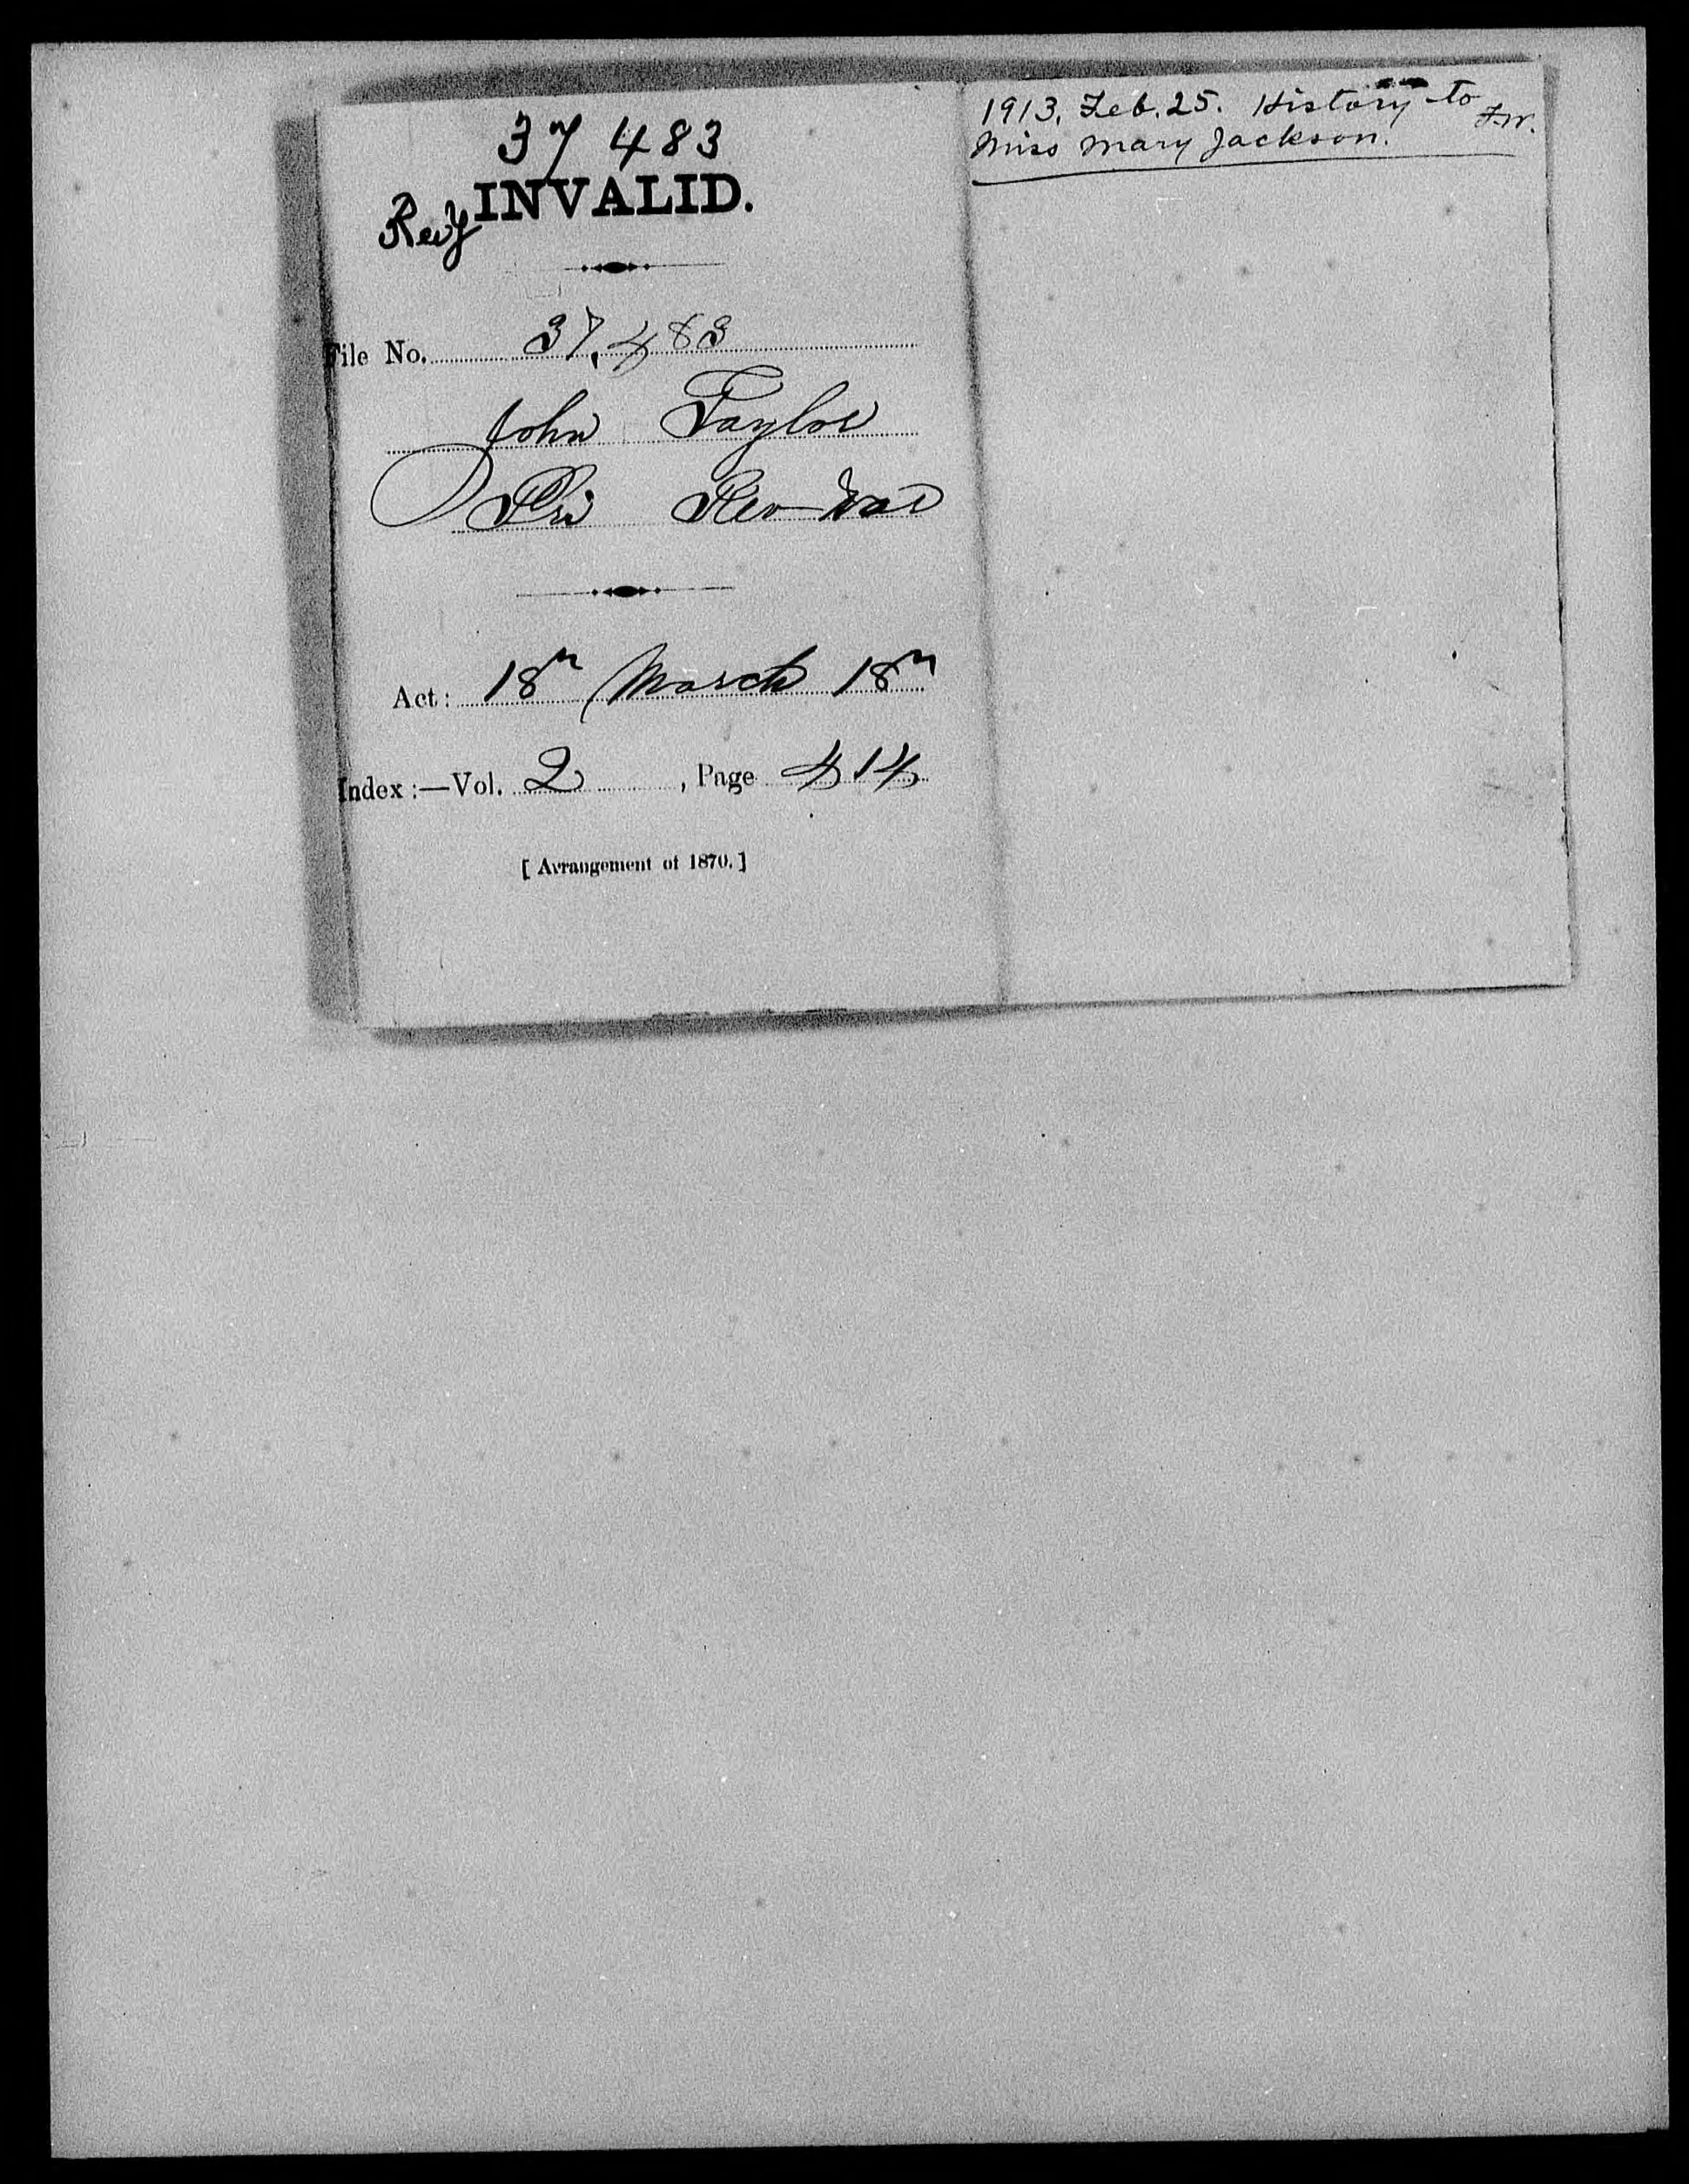[Two panels]
[Left panel]

37 483

INVALID.
Revy

File No. 37,483
John Taylor
Pri Rev War

Act: 18" March 18"

Index:--Vol 2, Page 414

[ Arrangement of 1870. ]

[Right panel]

1913, Feb. 25. History to 
Miss Mary Jackson F.W.
___________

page: 16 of 18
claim: survivor's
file: S. 37,483, for John Taylor, Maryland